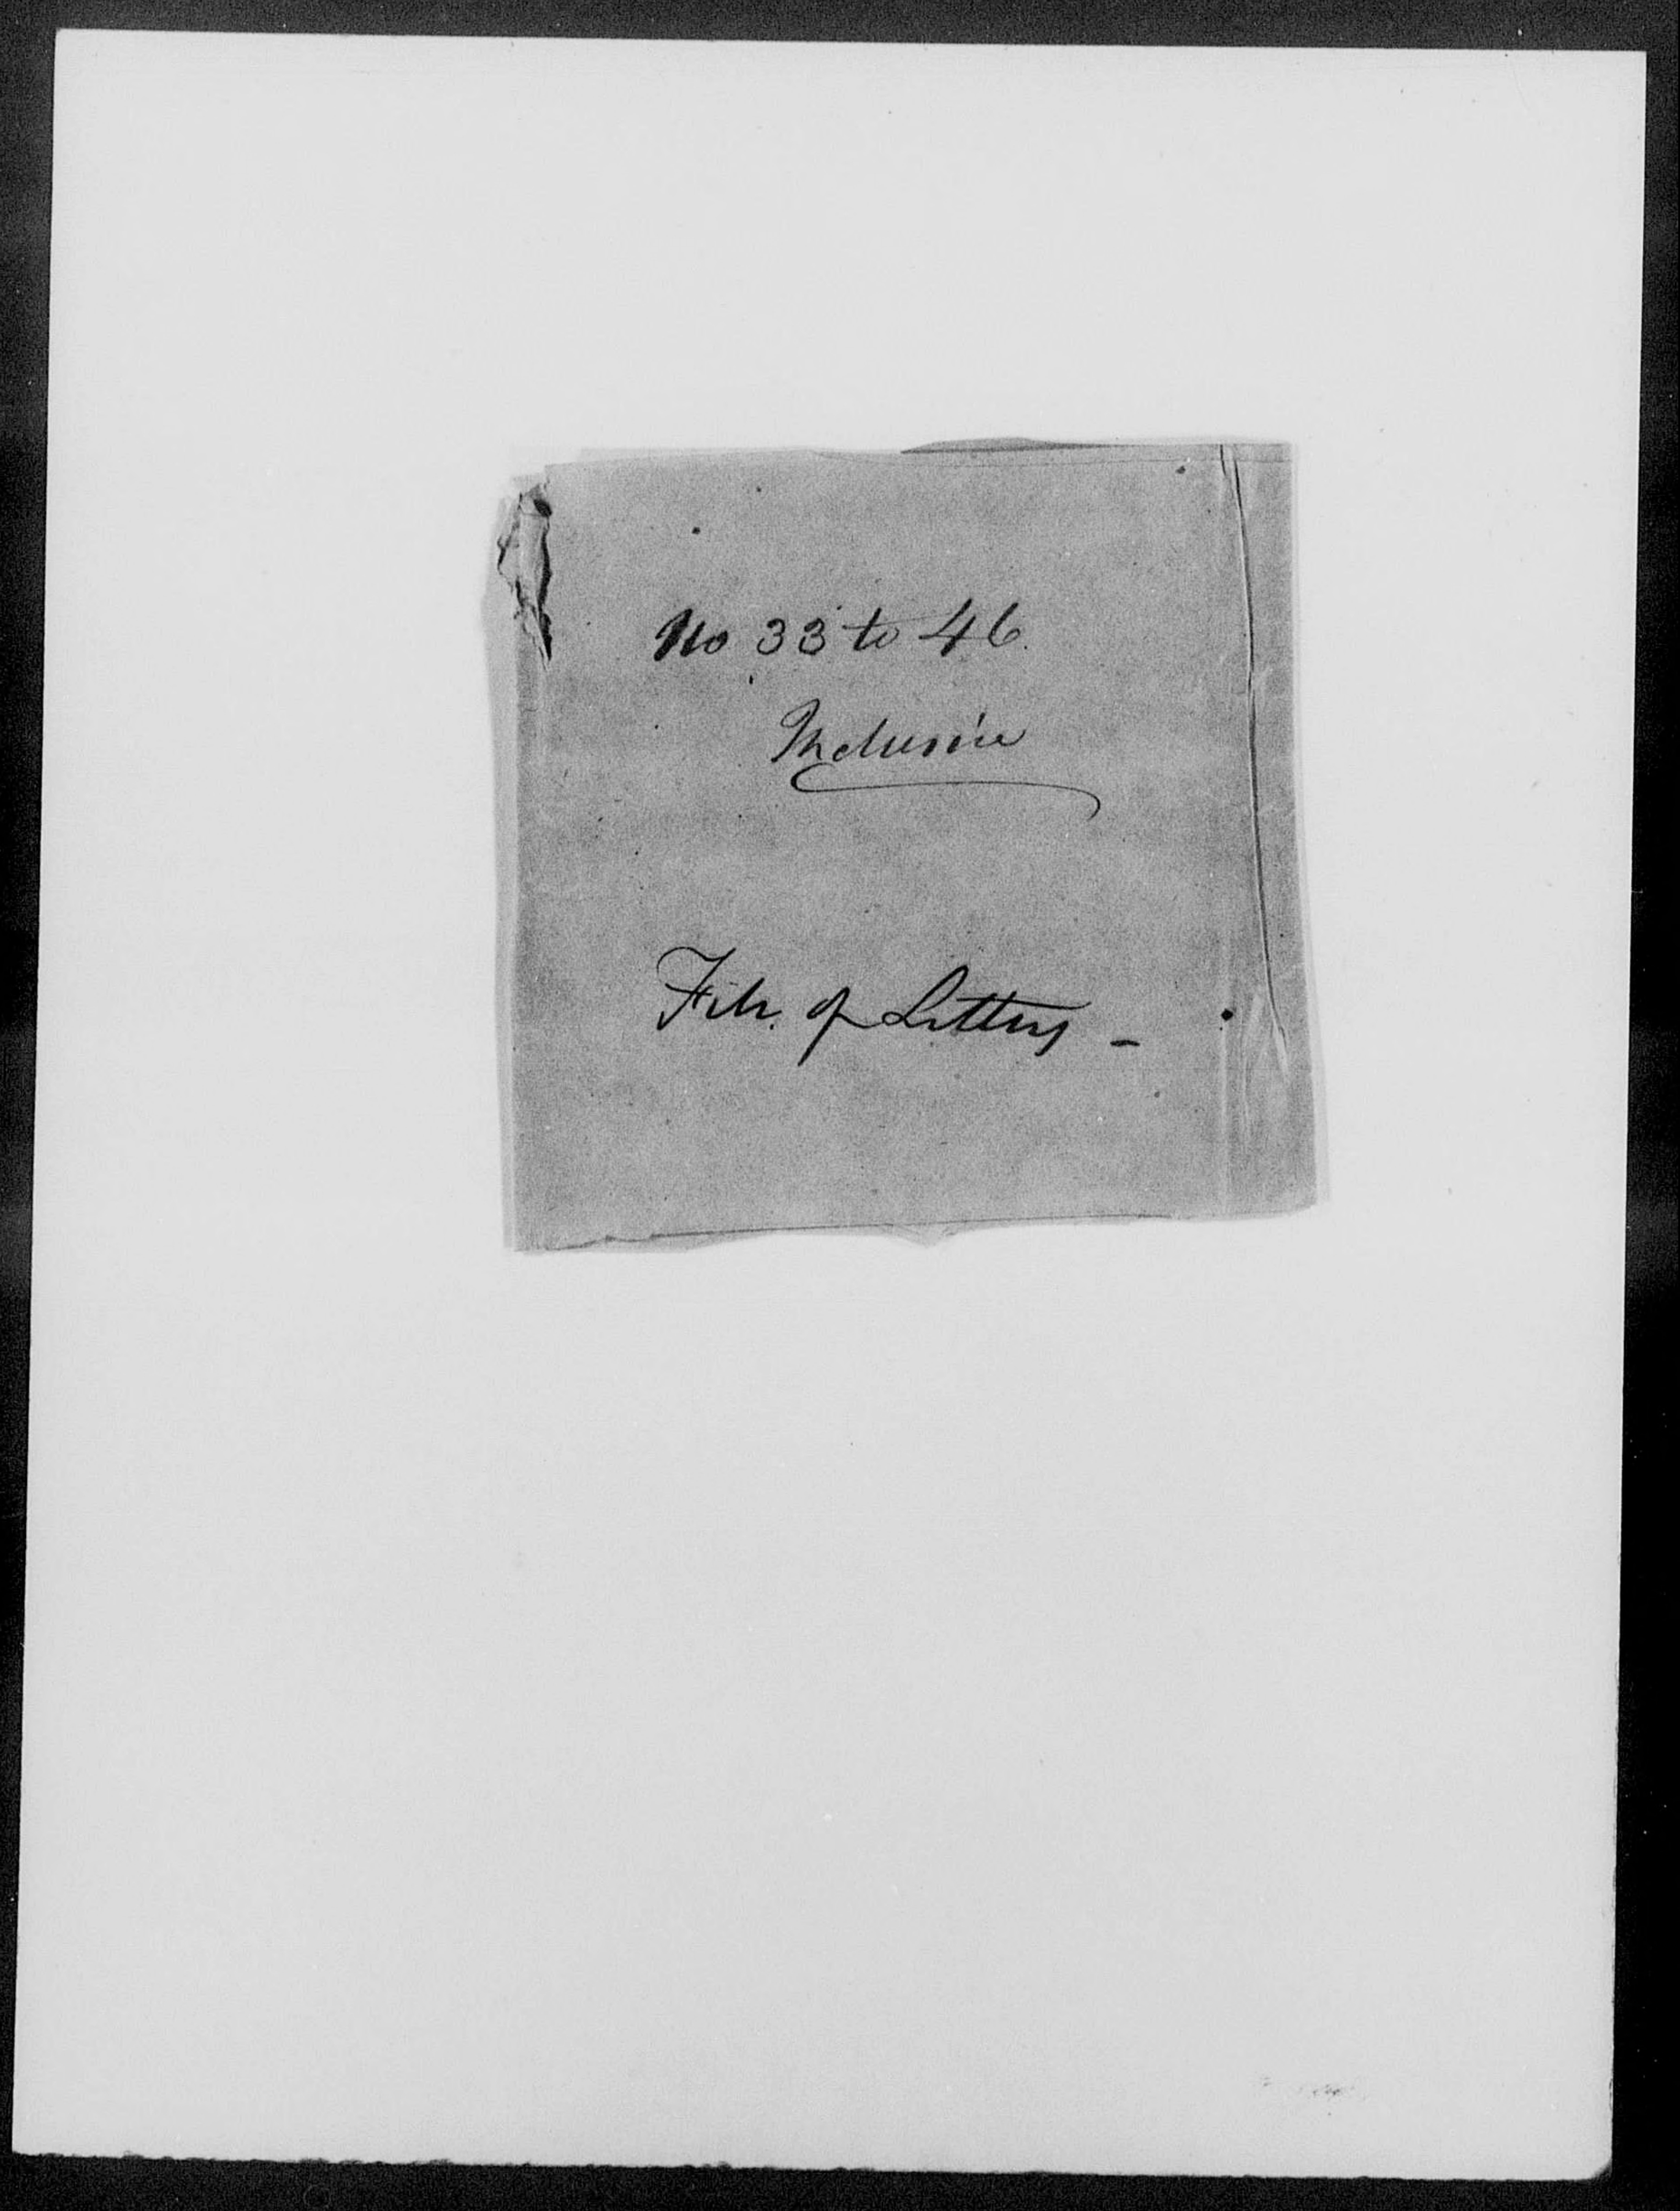No 33  to  46
Inclusive

Files of Letters --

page: 59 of 267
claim: widow's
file: W. 4,149, William Campbell, Va.